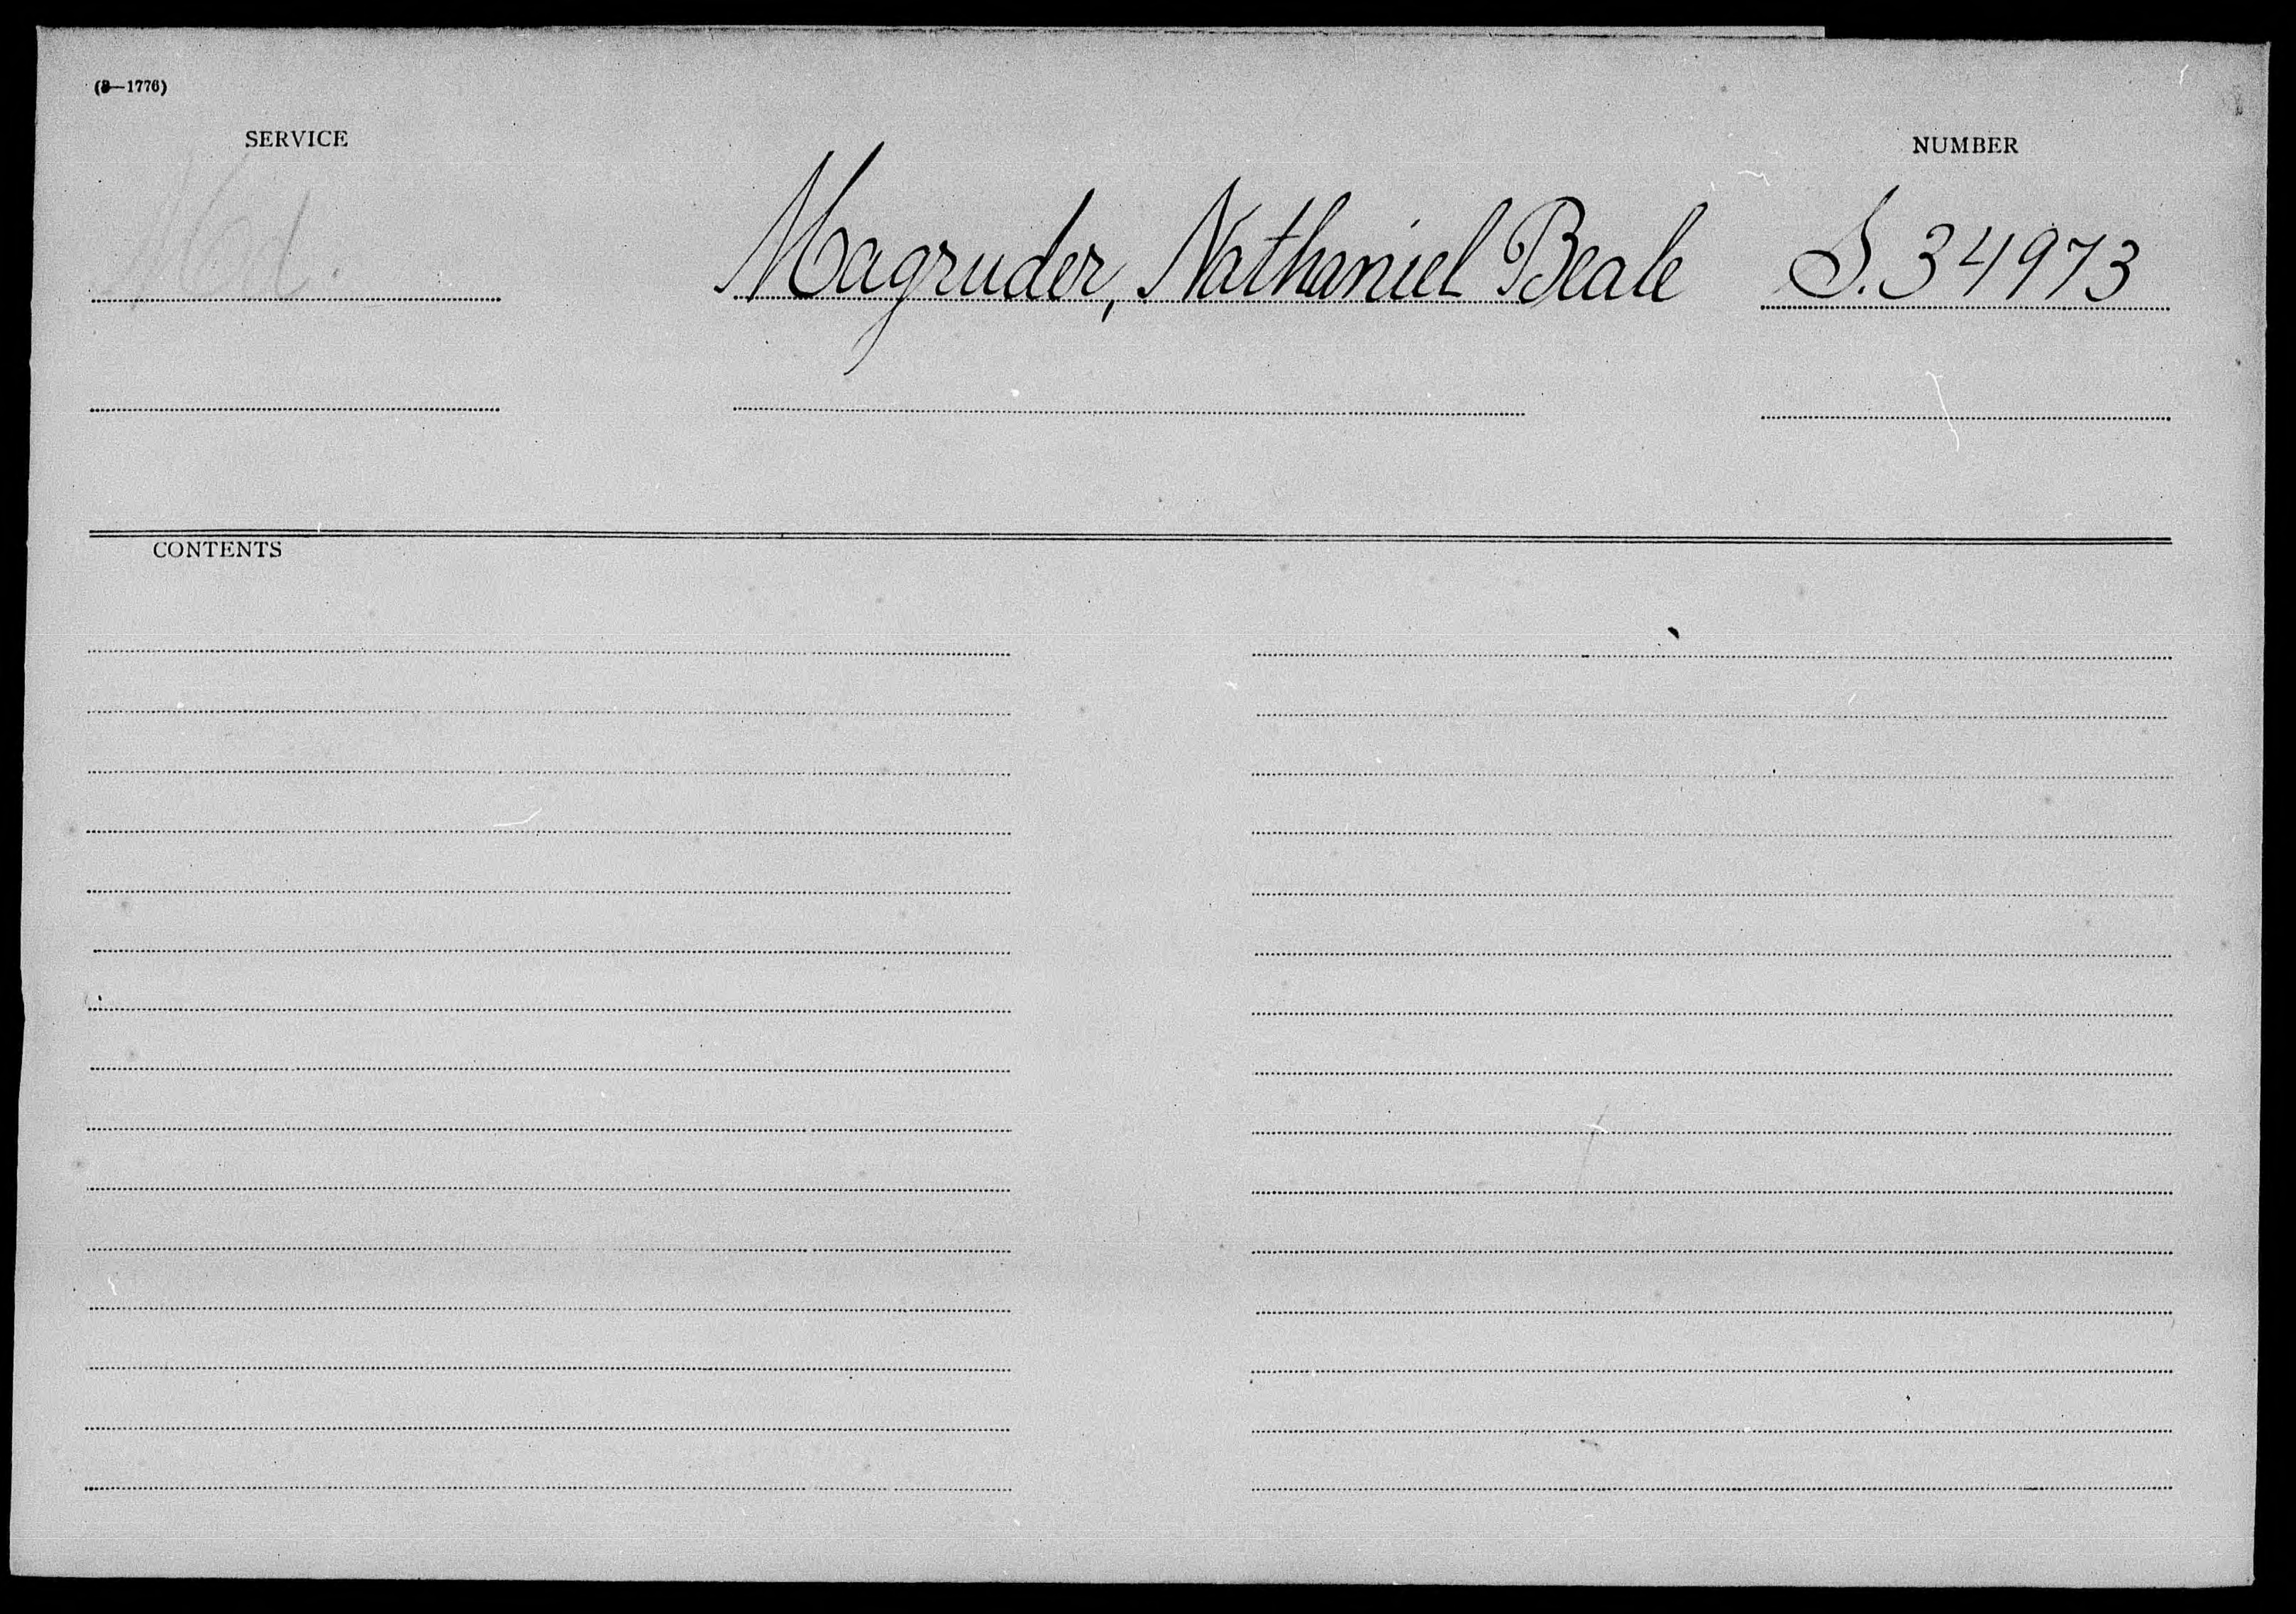Magruder, Nathaniel Beal
Number S. 34973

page: 1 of 13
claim: survivor's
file: S. 34973, for Nathaniel Beale Magruder, Maryland